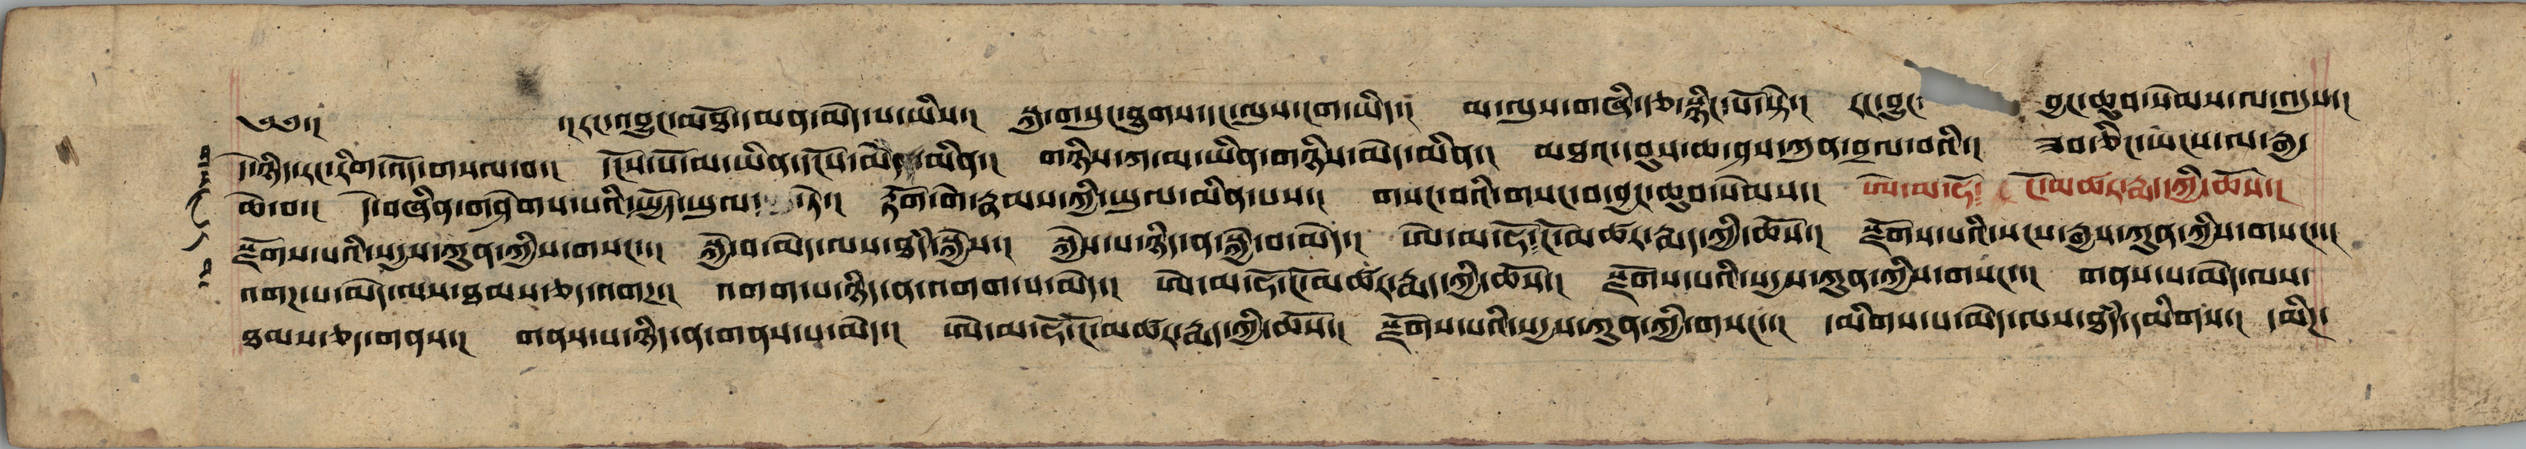༄༅་། ་།རང་འབྱུང་མཐོ་དམན་མེད་པ་ཡིས་། སྐུ་གསུང་ཐུགས་དང་ལུས་ངག་ཡིད་། མ་ལུས་གཞི་རྩ་སྙིང་པོ་སྟེ་། རང་བྱུང་ བྱང་ཆུབ་སེམས་ལ་འདུས་།
དེ་ཉིད་རང་རིག་འོད་གསལ་བ་། དངོས་པོ་མ་ཡིན་དངོས་མེད་མིན་། གཉིས་ཀ་མ་ཡིན་གཉིས་མེད་མིན་། མཐའ་དབུས་ཆ་ཤས་ཀུན་བྲལ་བའི་། ཟབ་ཅིང་ཡངས་ལ་རྒྱ་
ཆེ་བ་། དེ་བཞིན་གཤེགས་པའི་སྤྱོད་ཡུལ་ ཏེ་། རྟོག་གེ་རྣམས་ཀྱི་ཡུལ་མིན་པས་། གསང་བའི་གསང་བ་བྱང་ཆུབ་སེམས་། ཨེ་མ་ཧོ། ངོ་མཚར་རྨད་ཀྱི་ཆོས་།
སྫོགས་པའི་སདྱས་ཀུན་ཀྱིས་གསང་་། སྐྱེ་བ་མེད་ལས་ཐཾད་སྐྱེས་། སྐྱེས་པ་ཉིད་ན་སྐྱེ་བ་མེད་། ཨེ་མ་ཧོ་ངོ་མཚར་སྨད་ཀྱི་ཆོས་། སྫོགས་པའི་སངས་རྒྱས་ཀུན་ཀྱིས་གསང་་།
འགཌ་པ་མེད་ལས་ཐམས་ཅད་འགཌ་། འགག་པ་ཉིད་ན་འགག་པ་མེད་། ཨེ་མ་ཧོ་ངོ་མཚར་རྨད་ཀྱི་ཆོས་། སྫོགས་པའི་སདྱས་ཀུན་ཀྱིས་གསང་་། གནས་པ་མེད་ལས་
ཐམས་ཅད་གནས་། གནས་པ་ཉིད་ན་གནས་པ་མེད་། ཨེ་མ་ཧོ་ངོ་མཚར་རྨད་ཀྱི་ཆོས་། སྫོགས་པའི་སདྱས་ཀུན་ཀྱི་གསང་་། དམིགས་པ་མེད་ལས་ཐཾད་དམིགས་། དམིཌ་